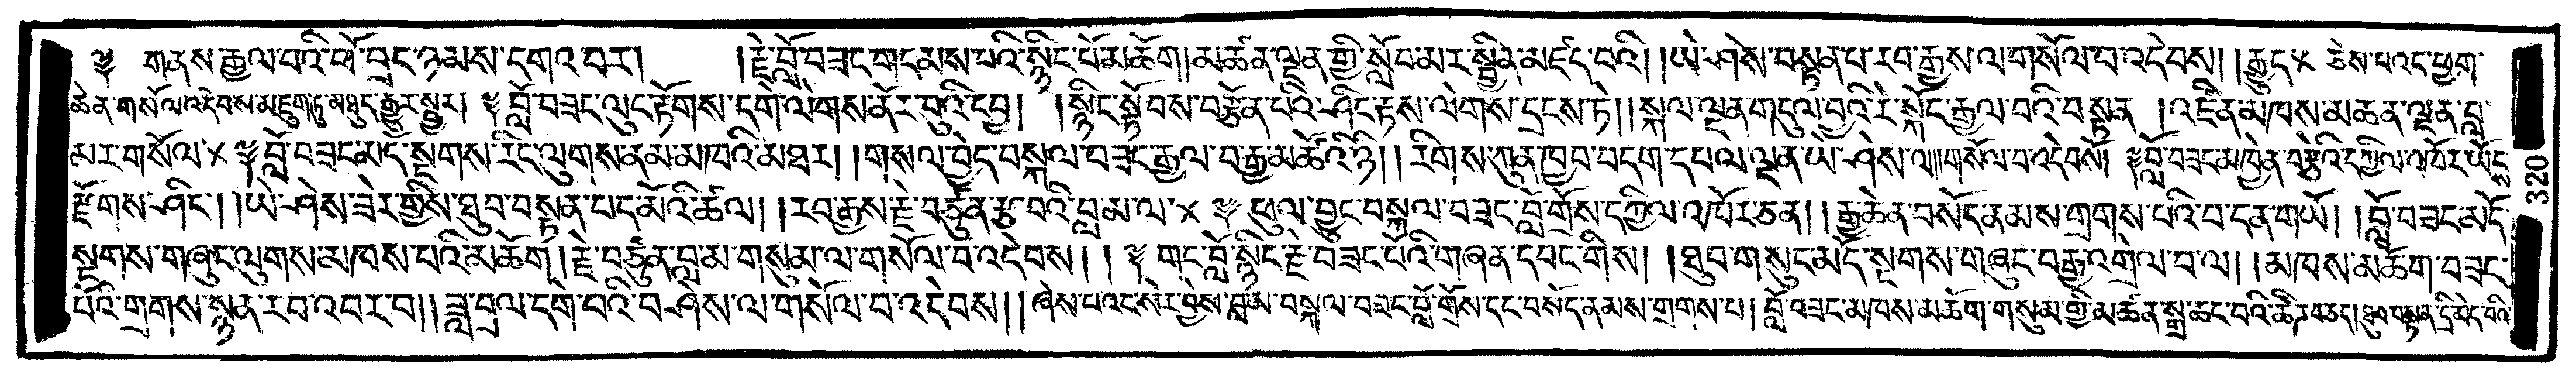༈ གནས་རྒྱལ་བའི་ཕོ་བྲང་ཉམས་དགའ་བར། །རྗེ་བློ་བཟང་གདམས་པའི་སྙིང་པོ་མཆོག །མཚན་ལྡན་གྱི་སློབ་མར་སྦྱིན་མཛད་པའི། །ཡེ་ཤེས་བསྟན་པ་རབ་རྒྱས་ལ་གསོལ་བ་འདེབས། །རྒྱུད་{྾}་ཅེས་པའང་ཕྱག་
ཆེན་གསོལ་འདེབས་མཇུག་ཏུ་མཐུད་རྒྱུར་སྦྱར། ༈ བློ་བཟང་ལུང་རྟོགས་དགེ་ལེགས་ནོར་བུའི་དབྱ། །སྙིང་སྟོབས་བརྩོན་པའི་ཤིང་རྟས་ལེགས་དྲངས་ཏེ། །སྐལ་ལྡན་གདུལ་བྱའི་རེ་སྐོང་རྒྱལ་བའི་བསྟན་།འཛིན་མཁས་མཆན་ལྡན་བླ་
མར་གསོལ་{྾}་༈ བློ་བཟང་མདོ་སྔགས་རིང་ལུགས་ནམ་མཁའི་མཐར། །གསལ་བྱེད་བསྐལ་བཟང་རྒྱལ་བ་རྒྱ་མཚོའི་ཉི། །རིགས་ཀུན་ཁྱབ་བདག་དཔལ་ལྡན་ཡེ་ཤེས་ལ། །གསོལ་བ་འདེབས་སོ། ༈ བློ་བཟང་མཁྱེན་བརྩེའི་དཀྱིལ་འཁོར་ཡོངས་
རྫོགས་ཤིང་། །ཡེ་ཤེས་ཟེར་གྱིས་ཐུབ་བསྟན་པད་མོའི་ཚལ། །རབ་རྒྱས་རྗེ་བཙུན་རྩ་བའི་བླ་མ་ལ་{྾}་༈ ཕུལ་བྱུང་བསྐལ་བཟང་བློ་གྲོས་དཀྱིལ་འཁོར་ཅན། །རྒྱ་ཆེན་བསོད་ནམས་གྲགས་པའི་བ་དན་གཡོ། །བློ་བཟང་མདོ་
སྔགས་གཞུང་ལུགས་མཁས་པའི་མཆོག །རྗེ་བཙུན་བླ་མ་གསུམ་ལ་གསོལ་བ་འདེབས། །༈ གང་བློ་སྙིང་རྗེ་བཟང་པོའི་གཞན་དབང་གིས། །ཐུབ་གསུང་མདོ་སྔགས་གཞུང་བརྒྱ་འགྲེལ་བ་ལ། །མཁས་མཆོག་བཟང་
པོའི་གྲགས་སྙན་རབ་འབར་བ། །ཟླ་བྲལ་དགེ་བའི་བཤེས་ལ་གསོལ་བ་འདེབས། །ཞེས་པའང་སེར་བྱེས་བླ་མ་བསྐལ་བཟང་བློ་གྲོས་དང་བསོད་ནམས་གྲགས་པ། བློ་བཟང་མཁས་མཆོག་གསུམ་གྱི་མཚན་སྒྲ་ཆང་བའི་ཚིགས་བཅད། ཐུབ་བསྟན་དྲི་མེད་པའི་